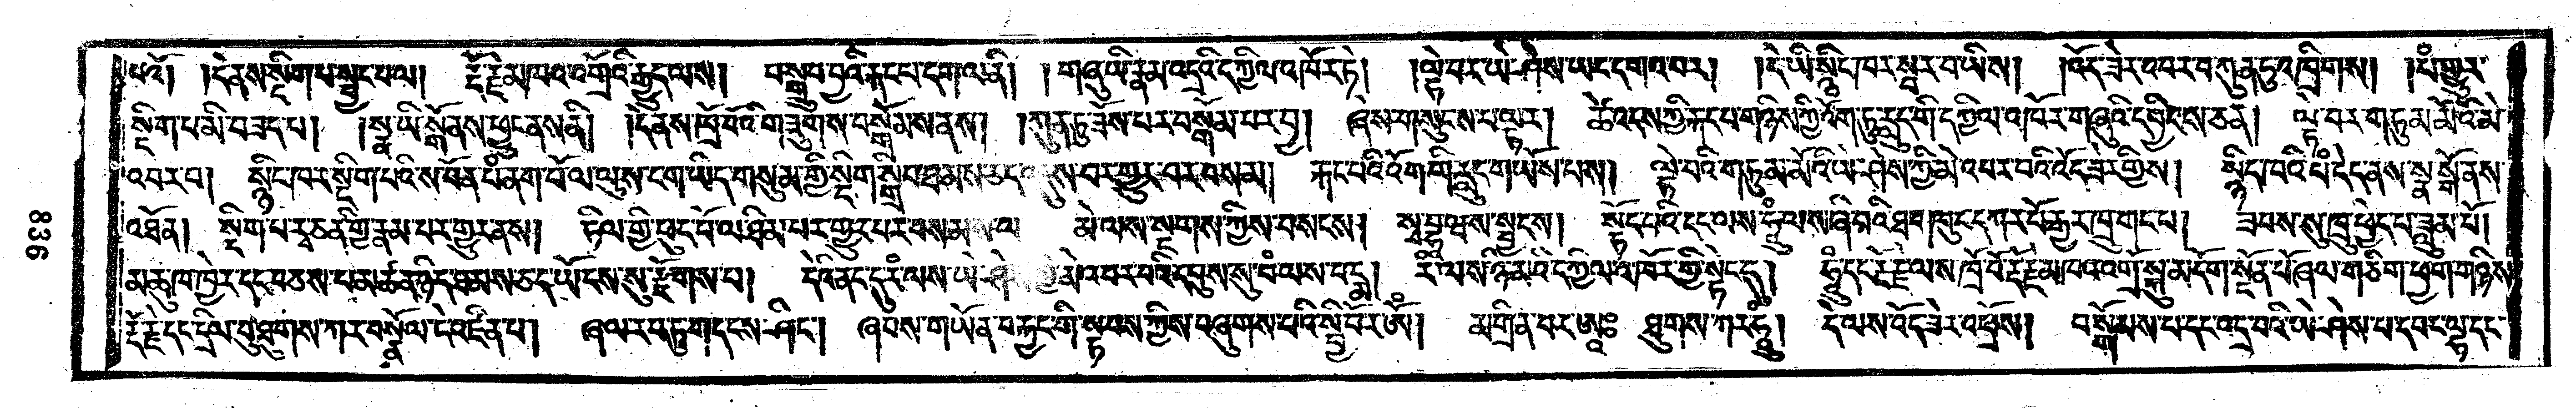པའོ། །དེ་ནས་སྡིག་པ་སྦྱང་པ་ལ། རྡོ་རྗེ་མཁའ་འགྲོའི་རྒྱུད་ལས། བསྒྲུབ་བྱའི་རྐང་པ་དག་ལ་ནི། །གཞུ་ཡི་རྣམ་འདྲའི་དཀྱིལ་འཁོར་ཏེ། །ལྟེ་བར་ཡེ་ཤེས་ཡང་དགའ་བར། །དེ་ཡི་སྙིང་ཁར་སྦར་བ་ཡིས། །འོད་ཟེར་འབར་བ་ཀུན་ཏུ་འཁྲིགས། །པཾ་གྱུར་
སྡིག་པ་མི་བཟད་པ། །སྣ་ཡི་སྒོ་ནས་ཕྱུང་ནས་ནི། །དེ་ནས་ཁྲོ་བོའི་གཟུགས་བསྒོམས་ནས། །ཀུན་ཏུ་ཟོས་པར་བསྒོམ་པར་བྱ། ཞེས་གསུངས་པ་ལྟར། ཚེ་འདས་ཀྱི་རྐང་པ་གཉིས་ཀྱི་འོག་ཏུ་རླུང་གི་དཀྱིལ་འཁོར་གཞུའི་དབྱིངས་ཅན། ལྟེ་བར་གཏུམ་མོའི་མེ་
འབར་བ། སྙིང་ཁར་སྡིག་པའི་ས་བོན་པཾ་ནག་པོ་ལ་ལུས་ངག་ཡིད་གསུམ་གྱི་སྡིག་སྒྲིབ་ཐམས་ཅད་འདུས་བར་གྱུར་བར་བསམ། རྐང་པའི་འོག་གི་རླུང་གཡོས་པས། ལྟེ་བའི་གཏུམ་མོའི་ཡེ་ཤེས་ཀྱི་མེ་འབར་བའི་འོད་ཟེར་གྱིས། སྙིང་ཁའི་པཾ་དེད་ནས་སྣ་སྒོ་ནས་
འཐོན། སྡིག་པ་རྭ་ཅན་གྱི་རྣམ་པར་གྱུར་ནས། ཏིལ་གྱི་ཕུང་པོ་ལ་ཐིམ་པར་གྱུར་པར་བསམས་ལ། མེ་ལས་སྔགས་ཀྱིས་བསངས། སྭ་བྷ་ཝས་སྦྱངས། སྟོང་པའི་དང་ལས་ཧཱུཾ་ལས་ཞི་བའི་ཐབ་ཁུང་དཀར་པོ་རྒྱར་ཁྲུ་གང་པ། ཟབས་སུ་ཁྲུ་ཕྱེད་པ་ཟླུམ་པོ།
མཆུ་ཁ་ཁྱེར་དང་བཅས་པ་མཚན་ཉིད་ཐམས་ཅད་ཡོངས་སུ་རྫོགས་པ། དེའི་ནང་དུ་རཾ་ལས་ཡེ་ཤེས་ཀྱི་མེ་འབར་བའི་དབུས་སུ་བཾ་ལས་པདམ། རི་ལས་ཉི་མའི་དཀྱིལ་འཁོར་གྱི་སྟེང་དུ། ཧཱུཾ་དང་རྡོ་རྗེ་ལས་ཁྲོ་བོ་རྡོ་རྗེ་མཁའ་འགྲོ་སྐུ་མདོག་སྔོན་པོ་ཞལ་གཅིག་ཕྱག་གཉིས་
རྡོ་རྗེ་དང་དྲིལ་བུ་ཐུགས་ཀར་བསྣོལ་ངེ་འཛིན་པ། ཞལ་རབ་ཏུ་གདངས་ཤིང་། ཞབས་གཡོན་བརྐྱང་གི་སྟབས་ཀྱིས་བཞུགས་པའི་སྦྱི་བོར་ཨོཾ། མགྲིན་བར་ཨཱཿཐུགས་ཀར་ཧཱུཾ། དེ་ལས་འོད་ཟེར་འཕྲོས། བསྒོམས་པ་དང་འདྲ་བའི་ཡེ་ཤེས་པ་དབར་ལྷ་དང་